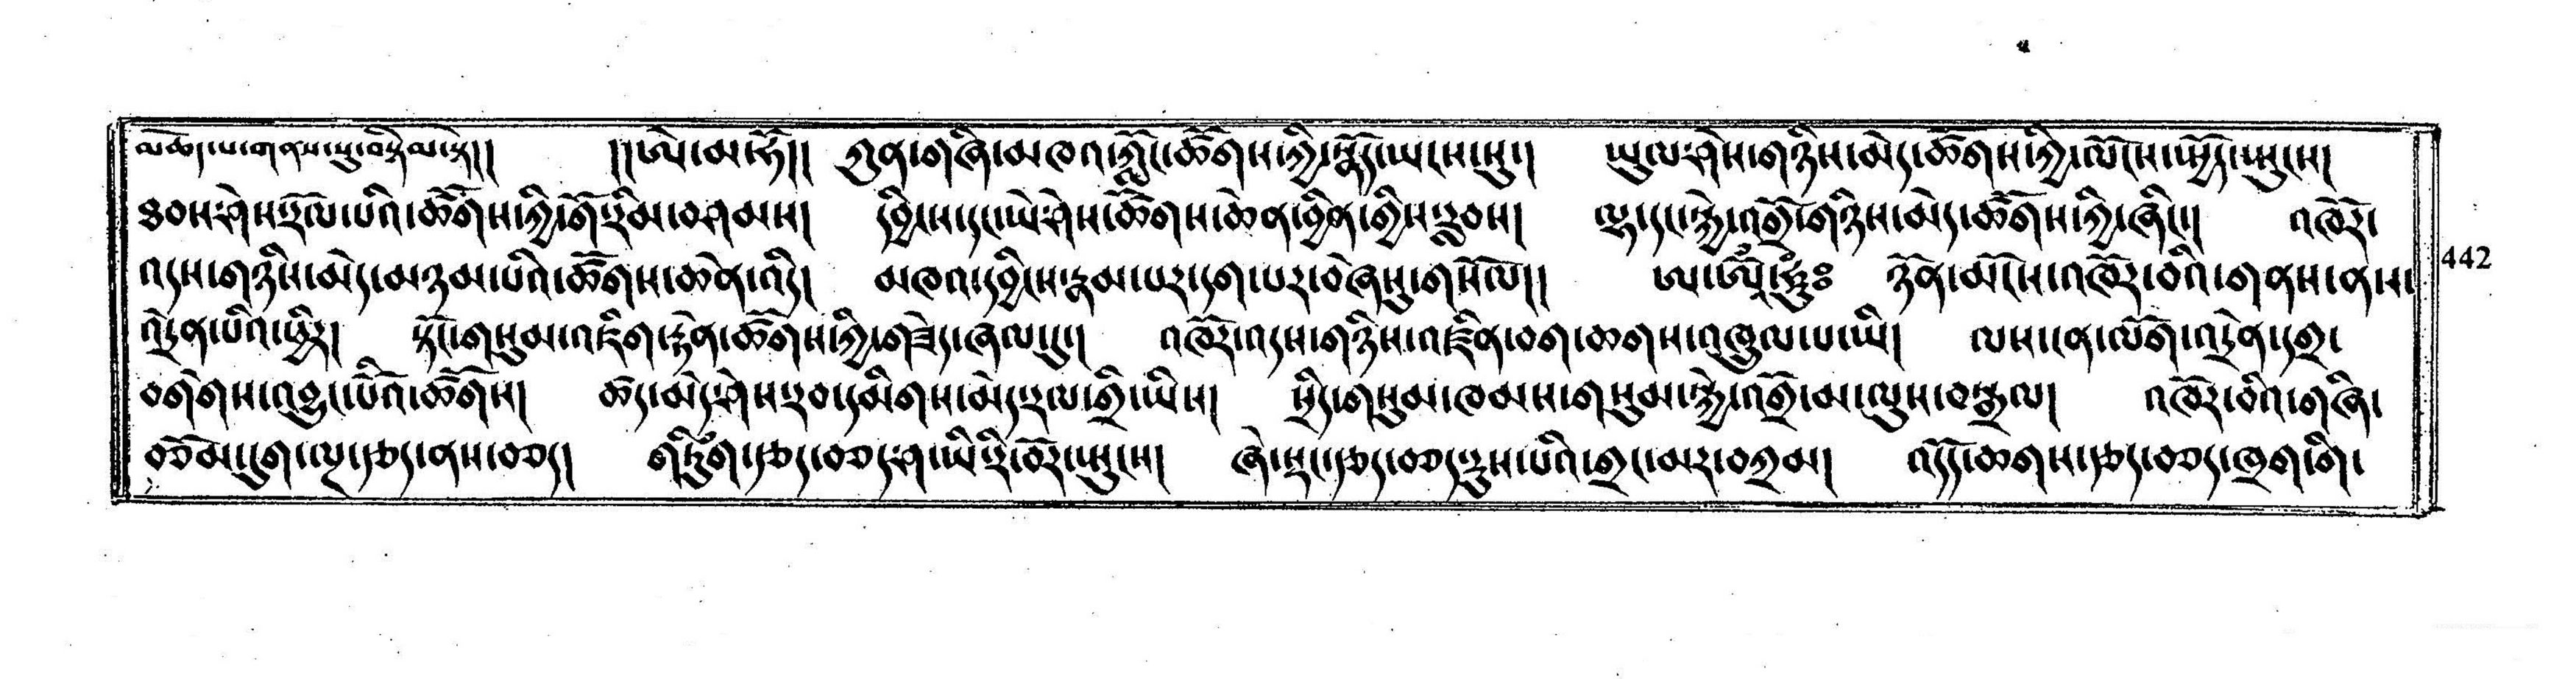མཆོད་པ་གནས་སུ་བསྟིམ་སྟེ།། །།ཨེ་མ་ཧོ།། ཀུན་གཞི་མཁའ་ཀློང་ཚོགས་ཀྱི་སྣོད་ཡངས་སུ། ཡུལ་ཤེས་གཉིས་མེད་ཚོགས་ཀྱི་ལོངས་སྤྱོད་སྤུངས། 
{455}ཐབས་ཤེས་རོལ་པའི་ཚོགས་ཀྱི་གོ་རིམ་བཤམས། དབྱིངས་དང་ཡེ་ཤེས་ཚོགས་ཆེན་བྱིན་གྱིས་བརླབས། ལྷ་དང་སྐྱེ་འགྲོ་གཉིས་མེད་ཚོགས་ཀྱི་ཞིང་། འཁོར་
འདས་གཉིས་མེད་མཉམ་པའི་ཚོགས་ཆེན་འདི། མཁའ་དབྱིངས་རྣམ་པར་དག་པར་བཞེས་སུ་གསོལ།། །།ཨ་ཨཱོཾ་ཧཱུྃ༔ ཉོན་མོངས་འཁོར་བའི་གནས་ནས་
འདྲེན་པའི་ཕྱིར། སྟོང་གསུམ་འཇིག་རྟེན་ཚོགས་ཀྱི་གཟེད་ཞལ་དུ། འཁོར་འདས་གཉིས་འཛིན་བག་ཆགས་འཁྲུལ་པ་ཡི། ལས་ངན་ལོག་འདྲེན་དགྲ་
བགེགས་འབྱུང་པོའི་ཚོགས། ཚད་མེད་ཤེས་རབ་དམིགས་མེད་རལ་གྲི་ཡིས། སྲིད་གསུམ་ཁམས་གསུམ་སྐྱེ་འགྲོ་མ་ལུས་བསྒྲལ། འཁོར་བའི་གཞི་
བཅོམ་དུག་ལྔ་རྩད་ནས་བཅད། གཏི་མུག་རྩད་བཅད་ཤ་ཡི་རི་བོར་སྤུངས། ཞེ་སྡང་རྩད་བཅད་རུས་པའི་གྲང་མར་བཀྲམ། འདོད་ཆགས་རྩད་བཅད་ཁྲག་གི་